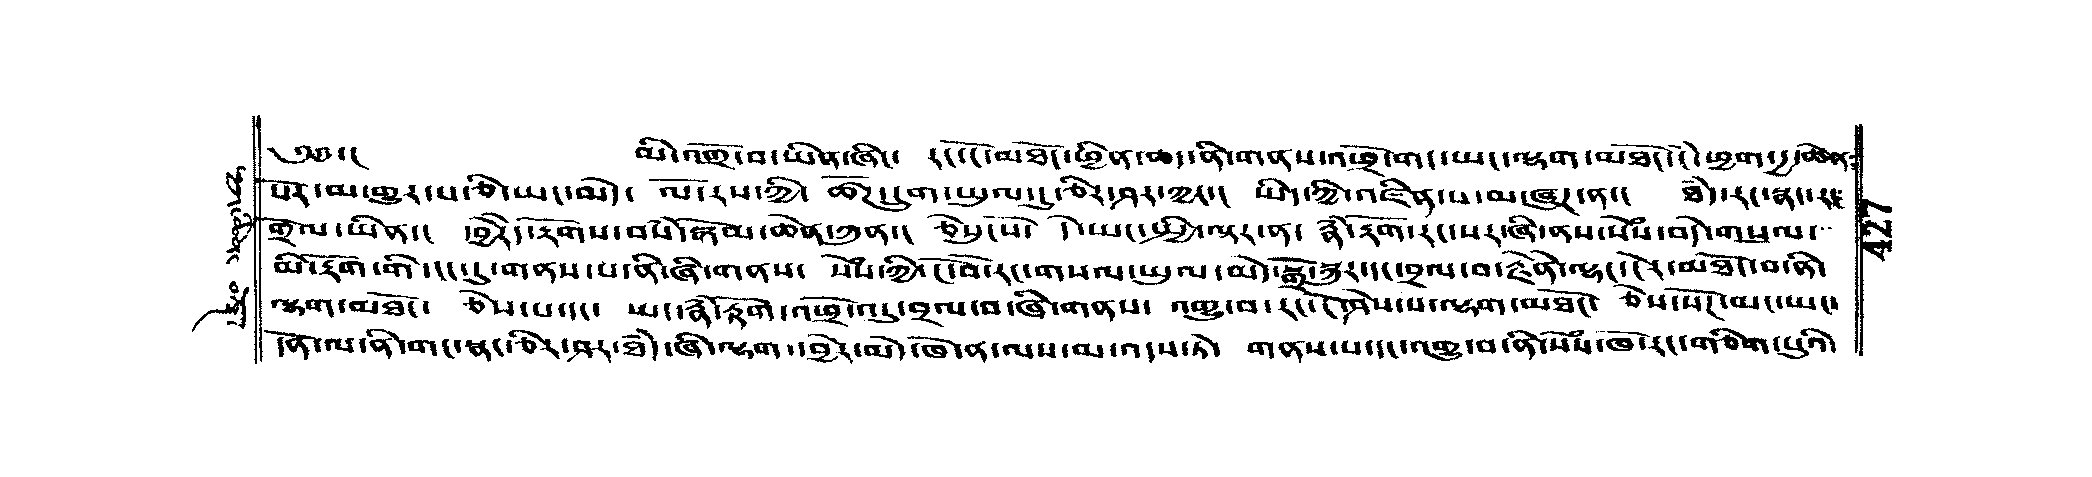མི་འགྲོ་བ་ཡིན་ཞིང་། རང་ངོ་མཐོང་ཕྱིན་ཆད་ནི་གནས་འཕྲོ་གང་ཡང་ལྷག་མཐོང་ངམ་ཕྱག་རྒྱ་ཆེན་
པོར་མ་གྱུར་པ་ཅི་ཡང་མེད། ལོ་རས་ཀྱིས། ཚོགས་དྲུག་ཡུལ་དུ་ཅིར་ཤར་ཡང་། །ཡིད་ཀྱི་འཛིན་པ་མ་ཞུགས་ན། །ཐམས་ཅད་རང་སྣང་རང་
གྲོལ་ཡིན། །དབྱེར་མེད་རྟོགས་སམ་སྒོམ་ཆེན་ཀུན། ཅེས་གསུངས་སོ། དེ་ཡང་སྤྱི་ལྟར་ན། རྣམ་རྟོག་རང་སར་ཞི་ནས་སེམས་བདེ་གསལ་
མི་རྟོག་གི་ངང་དུ་གནས་པ་ནི་ཞི་གནས། སེམས་ཀྱི་ངོ་བོ་རང་གསལ་ཡུལ་མེད་སྒྲོ་སྐུར་དང་བྲལ་བ་རྗེན་ནེ་ལྷང་ངེར་མཐོང་བ་ནི་
ལྷག་མཐོང་། ཞེས་པ་དང་། ཡང་རྣམ་རྟོག་འཕྲོ་འདུ་བྲལ་བ་ཞི་གནས། འགྱུ་བ་རང་ངོ་ཤེས་པ་ལྷག་མཐོང་། ཞེས་སོགས་མང་ཡང་
དོན་ལ་ནི་གང་སྣང་ཅིར་ཤར་ཐམས་ཅད་ཞི་ལྷག་དབྱེར་མེད་ཁོ་ན་ལས་མ་འདས་ཏེ། གནས་པ་དང་འགྱུ་བ་ནི་སེམས་ཁོ་རང་གཅིག་པུའི་